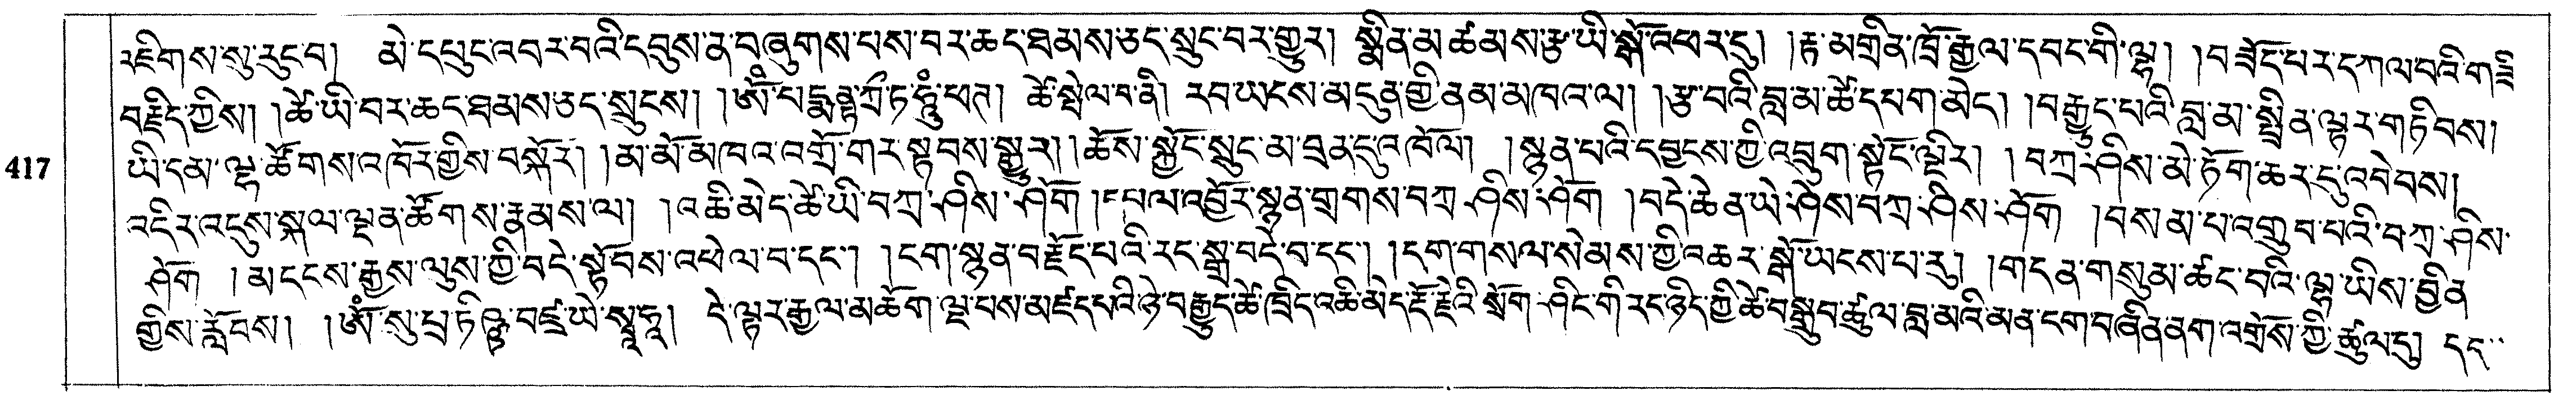འཇིགས་སུ་རུང་བ། མེ་དཔུང་འབར་བའི་དབུས་ན་བཞུགས་པས་བར་ཆད་ཐམས་ཅད་སྲུང་བར་གྱུར། སྨིན་མཚམས་རྩ་ཡི་སྒོ་འཕར་དུ། །རྟ་མགྲིན་ཁྲོ་རྒྱལ་དབང་གི་ལྷ། །བཟོད་པར་དཀལ་བའི་གཟི་
བརྗིད་ཀྱིས། །ཚེ་ཡི་བར་ཆད་ཐམས་ཅད་སྲུངས། །ཨོཾ་པདམནྟ་ཀྲྀ་ཏ་ཧཱུཾ་ཕཊ། ཚེ་སྤེལ་བ་ནི། རབ་ཡངས་མདུན་གྱི་ནམ་མཁའ་ལ། །རྩ་བའི་བླ་མ་ཚེ་དཔག་མེད། །བརྒྱུད་པའི་བླ་མ་སྤྲིན་ལྟར་གཏིབས།
ཡི་དམ་ལྷ་ཚོགས་འཁོར་གྱིས་བསྐོར། །མ་མོ་མཁའ་འགྲོ་གར་སྟབས་སྒྱུར། །ཆོས་སྐྱོང་སྲུང་མ་བྲན་དུ་འཁོལ། །སྙན་པའི་དབྱངས་ཀྱི་འབྲུག་སྟོང་ལྡིར། །བཀྲ་ཤིས་མེ་ཏོག་ཆར་དུ་འབེབས།
འདིར་འདུས་སྐལ་ལྡན་ཚོགས་རྣམས་ལ། །འཆི་མེད་ཚེ་ཡི་བཀྲ་ཤིས་ཤོག །དཔལ་འབྱོར་སྙན་གྲགས་བཀྲ་ཤིས་ཤོག །བདེ་ཆེན་ཡེ་ཤེས་བཀྲ་ཤིས་ཤོག །བསམ་པ་འགྲུབ་པའི་བཀྲ་ཤིས་
ཤོག །མདངས་རྒྱས་ལུས་ཀྱི་བདེ་སྟོབས་འཕེལ་བ་དང་། །ངག་སྙན་བརྗོད་པའི་རང་སྒྲ་བདེ་བ་དང་། །ངག་གསལ་སེམས་ཀྱི་འཆར་སྒོ་ཡངས་པ་རུ། །གདན་གསུམ་ཚང་བའི་ལྷ་ཡིས་བྱིན་
གྱིས་རློབས། །ཨོཾ་སུ་པྲ་ཏིཥཊཿཨ་བཛྲ་ཡེ་སྭཱ་ཧཱ། དེ་ལྟར་རྒྱལ་མཆོག་ལྔ་པས་མཛད་པའི་ཉེ་བརྒྱུད་ཚེ་ཁྲིད་འཆི་མེད་རྡོ་རྗེའི་སྲོག་ཤིང་གི་རང་ཉིད་ཀྱི་ཚེ་བསྒྲུབ་ཚུལ་བླ་མའི་མན་ངག་བཞིན་ནག་འགྲོས་ཀྱི་ཚུལ་དུ། དད་